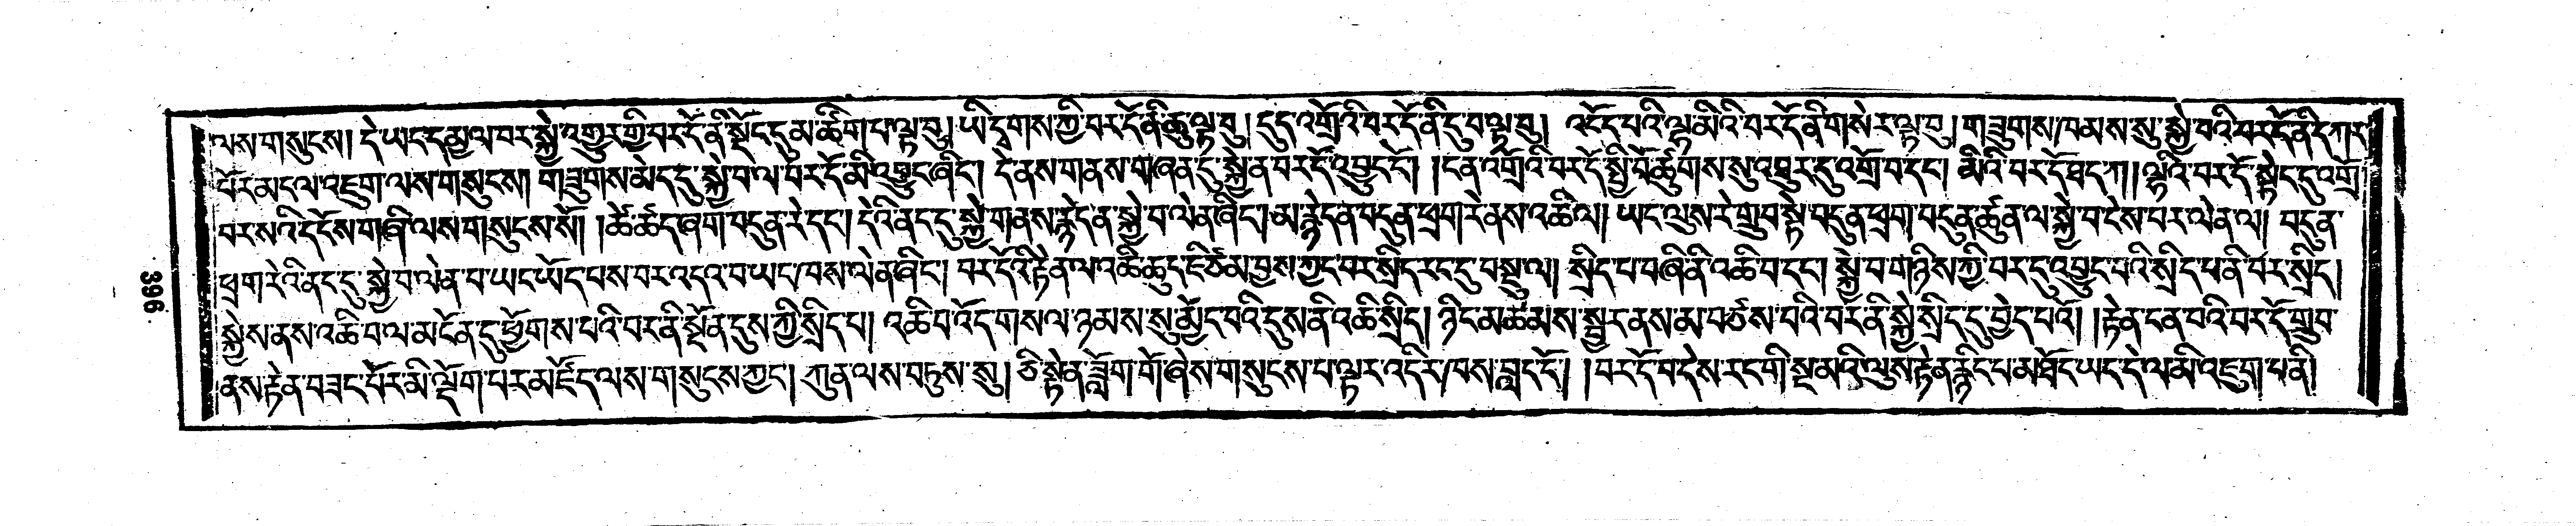ལས་གསུངས། དེ་ཡང་དམྱལ་བར་སྐྱེ་འགྱུར་གྱི་བར་དོ་ནི་སྡོང་དུམ་ཚིག་པ་ལྟ་བུ། ཡི་དྭགས་ཀྱི་བར་དོ་ནི་ཆུ་ལྟ་བུ། དུད་འགྲོའི་བར་དོ་ནི་དུ་བ་ལྟ་བུ། འདོད་པའི་ལྷ་མིའི་བར་དོ་ནི་གསེར་ལྟ་བུ། གཟུགས་ཁམས་སུ་སྐྱེ་བའི་བར་དོ་ནི་དཀར་
པོར་མངལ་འཇུག་ལས་གསུངས། གཟུགས་མེད་དུ་སྐྱེ་བ་ལ་བར་དོ་མི་འབྱུང་ཞིང་། དེ་ནས་གནས་གཞན་དུ་སྐྱེ་ན་བར་དོ་འབྱུང་ངོ། །ངན་འགྲོའི་བར་དོ་སྤྱི་བོ་ཚུགས་སུ་འཐུར་དུ་འགྲོ་བ་དང་། མིའི་བར་དོ་ཐད་ཀ། ལྷའི་བར་དོ་སྟེང་དུ་འགྲོ་
བར་སའི་དངོས་གཞི་ལས་གསུངས་སོ། །ཆེ་ཚད་ཞག་བདུན་རེ་དང་། དེའི་ནང་དུ་སྐྱེ་གནས་རྙེད་ན་སྐྱེ་བ་ལེན་ཞིང་། མ་རྙེད་ན་བདུན་ཕྲག་རེ་ནས་འཆི་ལ། ཡང་ལུས་རེ་གྲུབ་སྟེ་བདུན་ཕྲག་བདུན་ཚུན་ལ་སྐྱེ་བ་ངེས་བར་ལེན་ལ། བདུན་
ཕྲག་རེའི་ནང་དུ་སྐྱེ་བ་ལེན་པ་ཡང་ཡོད་པས་བར་འདང་བ་ཡང་ཁས་ལེན་ཞིང་། བར་དོའི་རྟེན་ལ་འཆི་ཆུང་ཇི་ཙམ་བྱས་ཀྱང་བར་སྲིད་རང་དུ་བསྡུ་ལ། སྲིད་པ་བཞི་ནི་འཆི་བ་དང་། སྐྱེ་བ་གཉིས་ཀྱི་བར་དུ་འབྱུང་བའི་སྲིད་པ་ནི་བར་སྲིད།
སྐྱེས་ནས་འཆི་བ་ལ་མངོན་དུ་ཕྱོགས་པའི་བར་ནི་སྔོན་དུས་ཀྱི་སྲིད་པ། འཆི་བ་འོད་གསལ་ཉམས་སུ་མྱོང་བའི་དུས་ནི་འཆི་སྲིད། ཉིད་མཚམས་སྦྱར་ནས་མ་བཙས་པའི་བར་ནི་སྐྱེ་སྲིད་དུ་བྱེད་པའོ། །རྟེན་ངན་པའི་བར་དོ་གྲུབ་
ནས་རྟེན་བཟང་པོར་མི་ལྡོག་པར་མཛོད་ལས་གསུངས་ཀྱང་། ཀུན་ལས་བཏུས་སུ། ཅི་སྟེན་ཟློག་གོ་ཞེས་གསུངས་བ་ལྟར་འདིར་ཁས་བླང་ངོ། །བར་དོ་བ་ངེས་རང་གི་སྔ་མའི་ལུས་རྟེན་རྙིང་བ་མཐོང་ཡང་དེ་ལ་མི་འཇུག་པ་ནི།